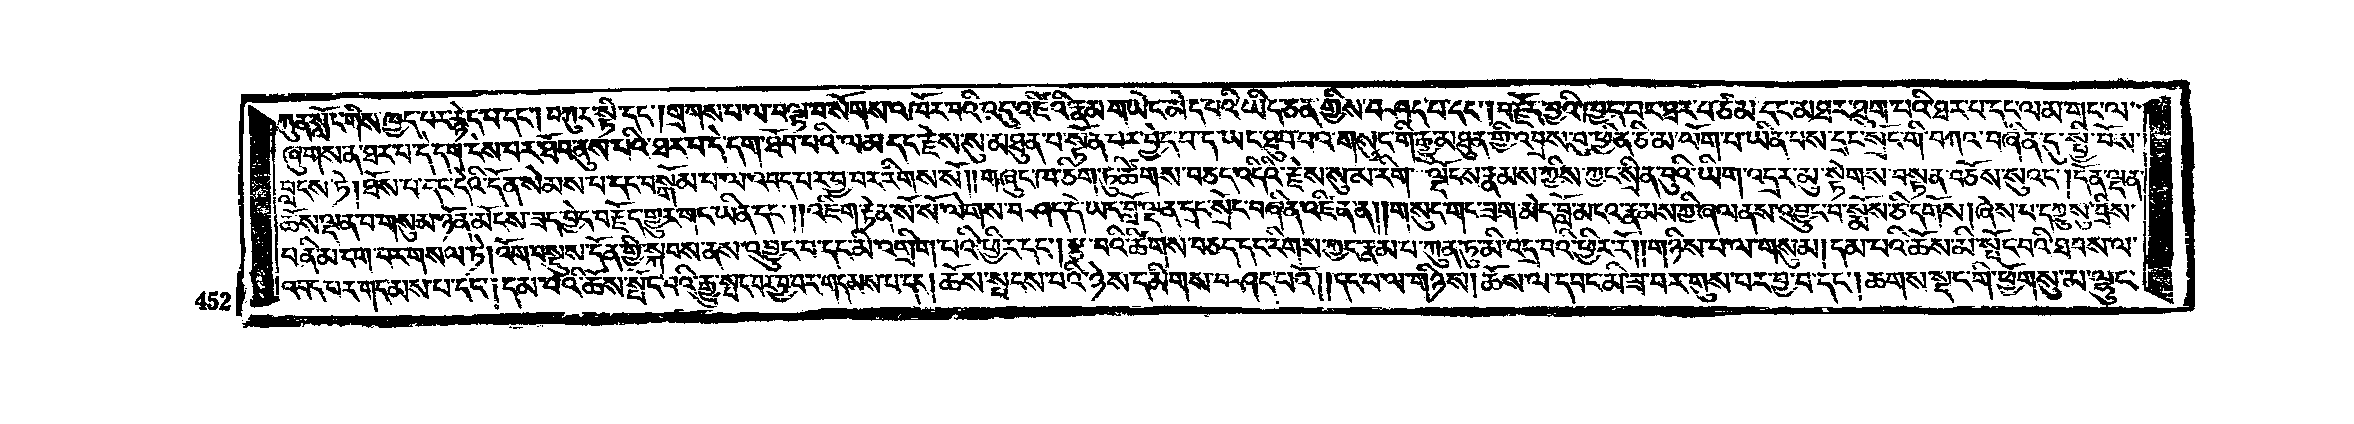ཀུན་སློང་གིས་ཁྱད་པར་རྙེད་པ་དང་། བཀུར་སྟི་དང་། གྲགས་པ་ལ་བལྟ་བ་སོགས་འཁོར་བའི་འདུ་འཛིའི་རྣམ་གཡེང་མེད་པའི་ཡིད་ཅན་གྱིས་བཤད་པ་དང་། བརྗོད་བྱའི་ཁྱད་པར་ཐར་པ་ཙམ་དང་མཐར་ཐུག་པའི་ཐར་པ་དང་ལམ་གང་ལ་
ཞུགས་ན་ཐར་པ་དེ་དག་ངེས་པར་ཐོབ་ནུས་པའི་ཐར་པ་དེ་དག་ཐོབ་པའི་ལམ་དང་རྗེས་སུ་མཐུན་པ་སྟོན་པར་བྱེད་པ་ད་ཡང་ཐུབ་པའི་གསུང་གི་རྒྱུ་མཐུན་གྱི་འབྲས་བུ་ཕྱིན་ཅི་མ་ལོག་པ་ཡིན་པས་དྲང་སྲོང་གི་བཀའ་བཞིན་དུ་སྤྱི་པོས་
བླངས་ཏེ། ཐོས་པ་དང་དེའི་དོན་སེམས་པ་དང་བསྒོམ་པ་ལ་འབད་པར་བྱ་བར་རིགས་སོ། །གཞུང་ཁ་ཅིག་ཏུ་ཚིགས་བཅད་འདིའི་རྗེས་སུ་མ་རིག་ལྡོངས་རྣམས་ཀྱིས་ཀྱང་སྲིན་བུའི་ཡིག་འདྲར་མུ་སྟེགས་བསྟན་བཅོས་སུའང་། དོན་ལྡན་
ཆོས་ལྡན་པ་གསུམ་ཉོན་མོངས་ཟད་བྱེད་བརྗོད་གྱུར་གང་ཡིན་དང་། །འཇིག་རྟེན་སོ་སོ་ལེགས་བཤད་དེ་ཡང་བློ་ལྡན་དྲང་སྲོང་བཞིན་འཛིན་ན། །གསུང་གང་ཟག་མེད་བློ་མངའ་རྣམས་ཀྱི་ཞལ་ནས་འབྱུང་བ་སྨོས་ཅི་དགོས། ཞེས་པ་དཀྱུས་སུ་དྲིས་
པ་ནི་མ་ངག་པར་གསལ་ཏེ། འོག་བསྡུས་དོན་གྱི་སྐབས་ནས་འབྱུང་བ་དང་མི་འགྲིག་པའི་ཕྱིར་དང་། རྩ་བའི་ཚིགས་བཅད་དང་རིགས་ཀྱང་རྣམ་པ་ཀུན་ཏུ་མི་འདྲ་བའི་ཕྱིར་རོ། །གཉིས་པ་ལ་གསུམ། དམ་པའི་ཆོས་མི་སྤོང་བའི་ཐབས་ལ་
འབད་པར་གད་མས་པ་དང་། དམ་པའི་ཆོས་སྤོང་བའི་རྒྱུ་སྤང་བར་བྱ་བར་གདམས་པ་དང་། ཆོས་སྤངས་པའི་ཉེས་དམིགས་བཤད་པའོ། །དང་པ་ལ་གཉིས། ཆོས་ལ་དབང་མི་ཟ་བར་གུས་པར་བྱ་བ་དང་། ཆགས་སྡང་གི་ཕྱོགས་སུ་མ་ལྷུང་